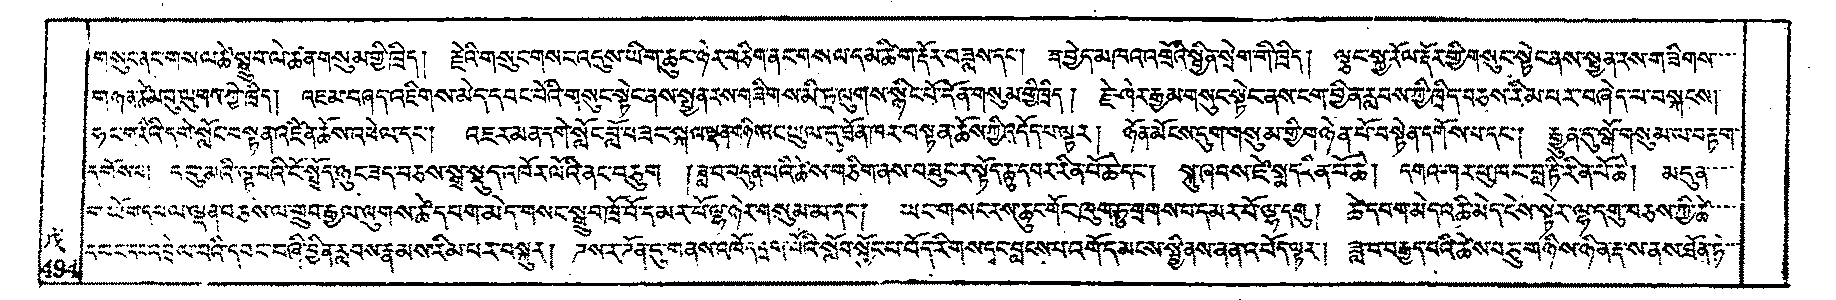གསུང་ནང་གསལ་ཚེ་སྒྲུབ་ལེ་ཚན་གསུམ་གྱི་ཁྲིད། རྗེའི་གསུང་གསང་འདུས་ཡིག་ཆུང་ཉེར་གཅིག་ནང་གསལ་དམ་ཚིག་རྡོར་བཟླས་དང་། ཟ་བྱེད་མཁའ་འགྲོའི་སྦྱིན་སྲེག་གི་ཁྲིད། ལྕང་སྐྱ་རོལ་རྡོར་གྱི་གསུང་སྟེང་ནས་སྤྱན་རས་གཟིགས་
གཉན་ཚེམ་བུ་ལུགས་ཀྱི་ཁྲིད། འཇམ་བཞད་འཇིགས་མེད་དབང་པོའི་གསུང་སྟེང་ནས་སྤྱན་རས་གཟིགས་མི་ཏྲ་ལུགས་སྙིང་པོ་དོན་གསུམ་གྱི་ཁྲིད། རྗེ་ཤེར་རྒྱམ་གསུང་སྟེང་ནས་ངག་བྱིན་རླབས་ཀྱི་ཁྲིད་བཅས་རིམ་པར་བཞེད་པ་བསྐངས།
ཧང་ག་རིའི་དགེ་སློང་བསྟན་འཛིན་ཆོས་འཕེལ་དང་། འཇར་མན་དགེ་སློང་བློ་བཟང་སྐལ་ལྡན་གཉིས་རང་ཡུལ་དུ་ཐོན་ཁར་བསྟན་ཆོས་ཀྱི་འདོད་པ་ལྟར། ཉོན་མོངས་དུག་གསུམ་གྱི་གཉེན་པོ་བསྟེན་དགོས་པ་དང་། རྒྱུན་དུ་སྒོ་གསུམ་ལ་བརྟག་
དགོས་པ། དབུ་མའི་ལྟ་བའི་ངོ་སྤྲོད་ཉུང་ཟད་བཅས་སྒྲ་སྡུད་འཁོར་ལོའི་ནང་བཅུག །ཟླ་བ་བདུན་པའི་ཚེས་གཅིག་ནས་བཟུང་ར་སྟོད་ཆུ་དབང་རིན་པོ་ཆེ་དང་། སྐུ་ཞབས་ཛེ་སྨད་རིན་པོ་ཆེ། དགའ་ཤར་ཕུ་ཁང་བླ་རྟི་རིན་པོ་ཆེ། མདུན་
གཡོག་དཔལ་ལྡན་བཅས་ལ་གྲུབ་རྒྱལ་ལུགས་ཚེ་དཔག་མེད་གསང་སྒྲུབ་ཁྲོ་བོ་དམར་པོ་ལྷ་ཉེར་གསུམ་མ་དང་། ཡང་གསང་རས་ཆུང་གོང་ཁུག་ཏུ་གྲགས་པ་དམར་པོ་ལྷ་དགུ། ཚེ་དཔག་མེད་འཆི་མེད་ངེས་སྟེར་ལྷ་དགུ་བཅས་ཀྱི་ཚེ་
དབང་དང་འབྲེལ་བའི་དབང་བཞི་བྱིན་རླབས་རྣམས་རིམ་པར་བསྐུར། ཌས་ར་ཌོན་དུ་གནས་འཁོད་དྲག་པོའི་སློབ་སྦྱོང་པ་བོད་རིགས་དྭང་བླངས་པ་འགོ་དམངས་སྤྱི་ནས་ནན་འབོད་ལྟར། ཟླ་བ་བརྒྱད་པའི་ཚེས་བཅུ་གཉིས་ཉིན་རྡ་ས་ནས་ཐོན་ཏེ་